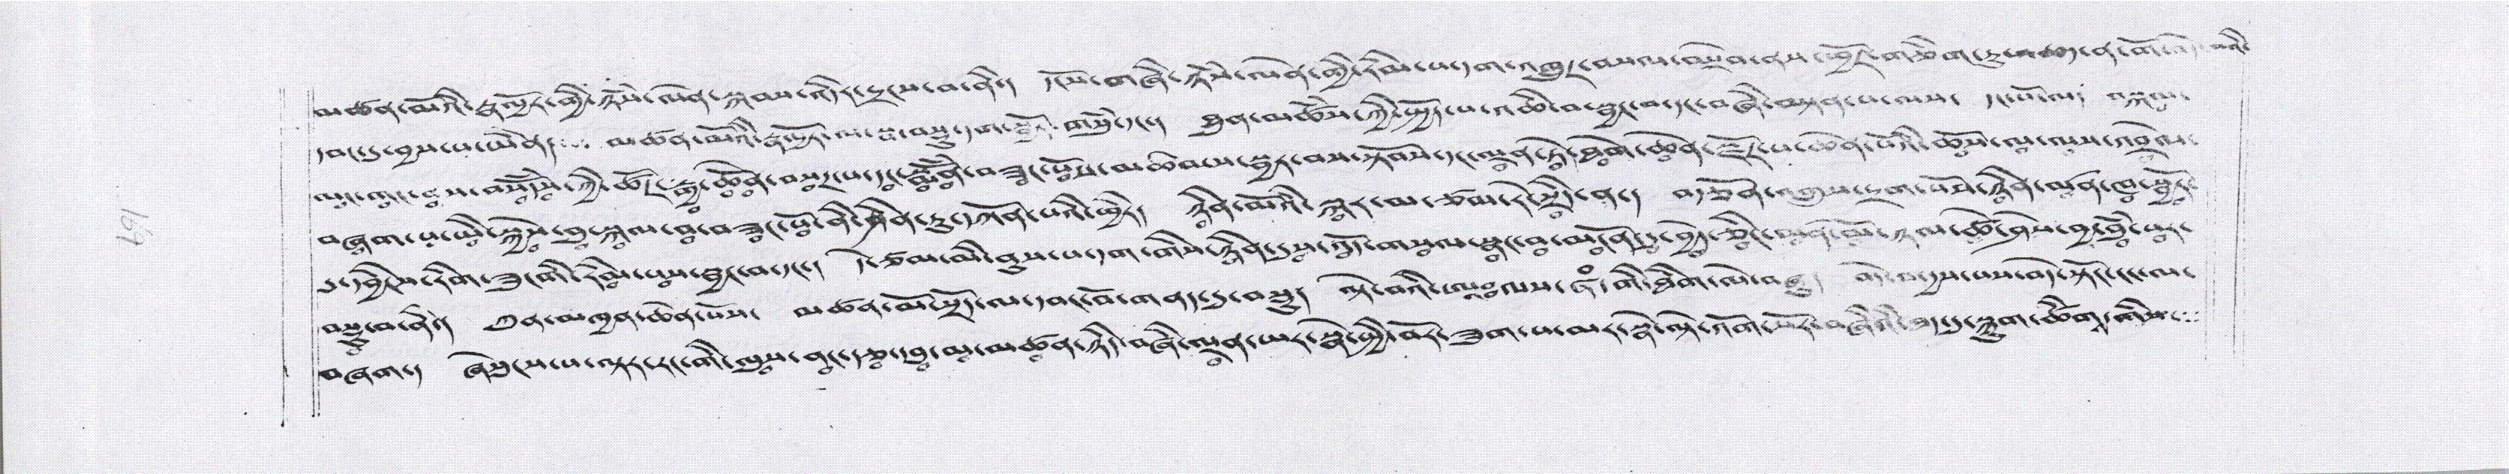མཚན་མོའི་རྣལ་འབྱོར་གྱི་ཉམས་ལེན་སྐབས་འདིར་དྲངས་པ་ནི། དངོས་གཞི་ཉམས་ལེན་གྱི་རིམ་པ་དག་འཁྲུགས་བསལ་བསྡེབས་ནས་ཕྱོགས་གཅིག་ཏུ་འཆད་ན་གོ་བདེ་བའི་
དབང་དུ་བྱས་པ་ཡིན། མཚན་མོའི་རྣལ་འབྱོར་ལ་སྦ་བསྡུ་དག་སྦྱོར་གསུམ་དང་། ཐུན་མཚམས་ཀྱི་སྤྱོད་པ་འཆི་བ་སྦྱང་བ་དང་བཞི་བསྟན་པ་ལས། དང་པོ་ལ། བསྐལ་
མང་གོང་ནས་བསོད་ནམས་ཀྱི་ཚོིགས་རྒྱ་ཆེན་པོ་བསགས་པ་དང་སྨོན་ལམ་བཟང་པོས་མཚམས་སྦྱར་བས་སྟོབས་དང་ལྡན་ཏེ་ཐེག་ཆེན་རྫོགས་པ་ཆེན་པོའི་ཆོས་ལ་ལས་འབྲེལ་
བཞག་པའི་སྐྱེས་བུ་སྐལ་པ་བཟང་པོ་ནི་ཤིན་ཏུ་དཀོན་པའི་ཕྱིར། ཉིན་མོའི་སྐར་མ་ཙམ་རེ་སྲིད་ན། བརྩོན་འགྲུས་དྲག་པོས་ཉིན་མཚན་ཁ་སྦྱོར་
དུ་དབྱིངས་རིག་ཟུང་འཇུག་གི་རིམ་པས་སྦྱང་བ་དང་། དེ་ཙམ་མི་ནུས་པ་དག་གིས་ཉིན་དུས་འོད་གསལ་སྣང་བ་མངོན་དུ་བྱེད་ཅིང་མཚན་མོ་ཉལ་ཚེ་ཤེས་བྱ་བུམ་པར་
བསྡུ་བ་ནི། ཀུན་མཁྱེན་ཆེན་པོས། མཚན་མོ་སྲོད་ལ་དབང་པོ་གནད་དུ་བསྡུ། ལྟེ་བའི་ཨཱཿལས་ཧཾཿགི་ཐིག་ལེ་བཞུ། བདེ་བ་རྒྱས་པས་བདེ་སྟོང་ངང་ལ་
བཞག། ཞེས་གསུངས་པ་ལྟར་རང་གི་ལུས་ནང་རྩ་དབུ་མ་མཚན་ཉིད་བཞི་ལྡན་ཡར་སྣེ་སྤྱི་བོར་ཟུག་པ་མར་ལྟེ་འོག་སོར་བཞིའི་ཐད་དུ་སྙུག་ཚིགས་